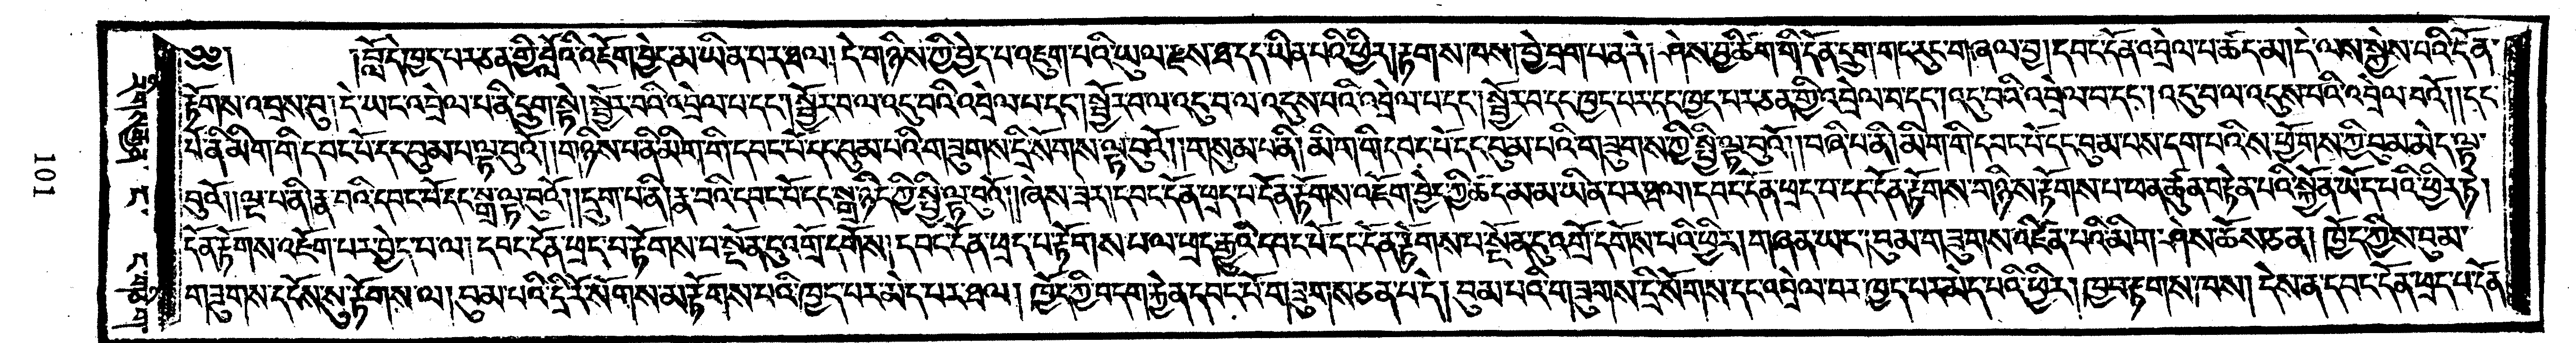༄༅། །བློ་དེ་ཁྱད་པར་ཅན་གྱི་བློའི་འཇོག་བྱེད་མ་ཡིན་པར་ཐལ། དེ་གཉིས་ཀྱི་བྱེད་པ་འཇུག་པའི་ཡུལ་རྫས་ཐ་དད་ཡིན་པའི་ཕྱིར། རྟགས་ཁས། བྱེ་བྲག་པ་ན་རེ། ཤེས་བྱ་ཚིག་གི་དོན་དྲུག་གང་རུང་གཞལ་བྱ། དབང་དོན་འབྲེལ་པ་ཚད་མ། དེ་ལས་སྐྱེས་པའི་དོན་
རྟོགས་འབྲས་བུ། དེ་ཡང་འབྲེལ་པ་ནི་དྲུག་སྟེ། སྦྱོར་བའི་འབྲེལ་པ་དང་། སྦྱོར་བ་ལ་འདུ་བའི་འབྲེལ་པ་དང་། སྦྱོར་བ་ལ་འདུ་བ་ལ་འདུས་པའི་འབྲེལ་པ་དང་། སྦྱོར་བ་དང་ཁྱད་པར་དང་ཁྱད་པར་ཅན་གྱི་འབྲེལ་པ་དང་། འདུ་བའི་འབྲེལ་པ་དང་། འདུ་བ་ལ་འདུས་པའི་འབྲེལ་པའོ། །དང་
པོ་ནི་མིག་གི་དབང་པོ་དང་བུམ་པ་ལྟ་བུའོ། །གཉིས་པ་ནི་མིག་གི་དབང་པོ་དང་བུམ་པའི་གཟུགས་དྲི་སོགས་ལྟ་བུའོ། །གསུམ་པ་ནི། མིག་གི་དབང་པོ་དང་བུམ་པའི་གཟུགས་ཀྱི་སྤྱི་ལྟ་བུའོ། །བཞི་པ་ནི། མིག་གི་དབང་པོ་དང་བུམ་པས་དག་པའི་ས་ཕྱོགས་ཀྱི་བུམ་མེད་ལྟ་
བུའོ། །ལྔ་པ་ནི། རྣ་བའི་དབང་པོ་དང་སྒྲ་ལྟ་བུའོ། །དྲུག་པ་ནི། རྣ་བའི་དབང་པོ་དང་སྒྲ་ཉིད་ཀྱི་སྤྱི་ལྟ་བུའོ། །ཞེས་ཟེར། དབང་དོན་ཕྲད་པ་དོན་རྟོགས་འཇོག་བྱེད་ཀྱི་ཚད་མ་མ་ཡིན་པར་ཐལ། དབང་དོན་ཕྲད་པ་དང་དོན་རྟོགས་གཉིས་རྟོགས་པ་ཕན་ཚུན་བརྟེན་པའི་སྐྱོན་ཡོད་པའི་ཕྱིར་ཏེ།
དོན་རྟོགས་འཇོག་པར་བྱེད་པ་ལ། དབང་དོན་ཕྲད་པ་རྟོགས་པ་སྔོན་དུ་འགྲོ་དགོས། དབང་དོན་ཕྲད་པ་རྟོགས་པ་ལ་ཕྲད་རྒྱུའི་དབང་པོ་དང་དོན་རྟོགས་པ་སྔོན་དུ་འགྲོ་དགོས་པའི་ཕྱིར། གཞན་ཡང་། བུམ་གཟུགས་འཛིན་པའི་མིག་ཤེས་ཆོས་ཅན། ཁྱོད་ཀྱིས་བུམ་
གཟུགས་དངོས་སུ་རྟོགས་ལ། བུམ་པའི་དྲི་རོ་སོགས་མ་རྟོགས་པའི་ཁྱད་པར་མེད་པར་ཐལ། ཁྱོད་ཀྱི་བདག་རྐྱེན་དབང་པོ་གཟུགས་ཅན་པ་དེ། བུམ་པའི་གཟུགས་དྲི་སོགས་དང་འབྲེལ་བར་ཁྱད་པར་མེད་པའི་ཕྱིར། ཁྱབ་རྟགས་ཁས། དེས་ན་དབང་དོན་ཕྲད་པ་དོན་